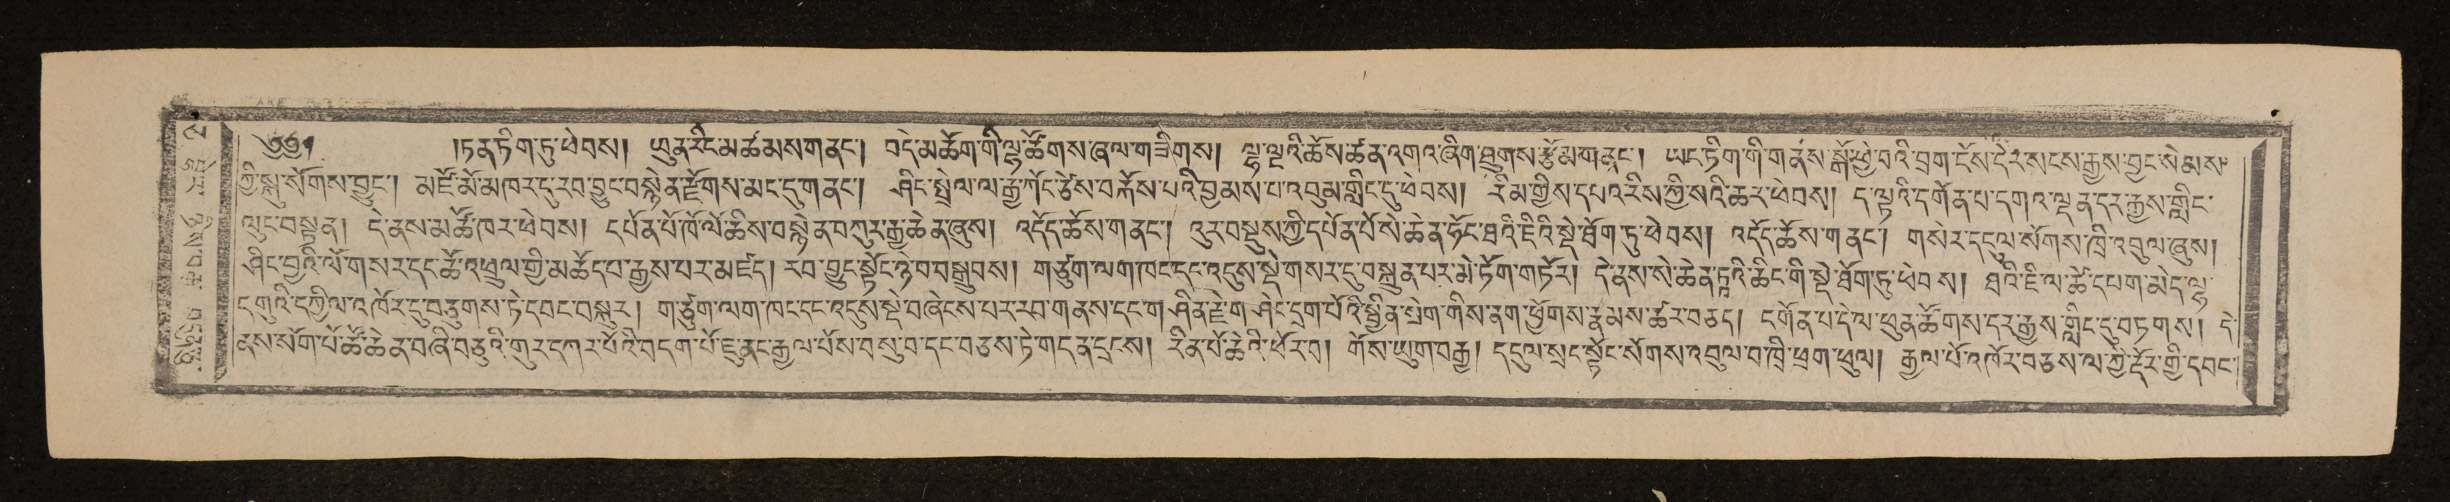༄༅། །ཏན་ཏིག་ཏུ་ཕེབས། ཡུན་རིང་མཚམས་གནང་། བདེ་མཆོག་གི་ལྷ་ཚོགས་ཞལ་གཟིགས། ལྷ་ལྔའི་ཆོས་ཚན་འགའ་ཞིག་ཐུགས་རྩོམ་གནང་། ཡང་ཏིག་གི་གནས་སྒོ་ཕྱེ་བའི་བྲག་ངོས་དེར་སངས་རྒྱས་བྱང་སེམས་
ཀྱི་སྐུ་སོགས་བྱུང་། མཛོ་མོ་མཁར་དུ་རབ་བྱུང་བསྙེན་རྫོགས་མང་དུ་གནང་། ཤིང་སྤྲེལ་ལ་རྒྱ་ཀོང་ཙེས་བརྐོས་པའི་བྱམས་པ་འབུམ་གླིང་དུ་ཕེབས། རིམ་གྱིས་དཔའ་རིས་ཀྱི་སའི་ཆར་ཕེབས། ད་ལྟའི་དགོན་པ་དགའ་ལྡན་དར་རྒྱས་གླིང་
ལུང་བསྟན། དེ་ནས་མཚོ་ཁར་ཕེབས། དཔོན་པོ་ཁོ་ལོ་ཆིས་བསྙེན་བཀུར་རྒྱ་ཆེན་ཞུས། འདོད་ཆོས་གནང་། འུར་བསྡུས་ཀྱི་དཔོན་པོ་སེ་ཆེན་ཧོར་ཐའི་ཇིའི་སྡེ་ཐོག་ཏུ་ཕེབས། འདོད་ཆོས་གནང་། གསེར་དངུལ་སོགས་ཁྲི་འབུལ་ཞུས།
ཤིང་བྱའི་ལོ་གསར་དང་ཆོ་འཕྲུལ་གྱི་མཆོད་པ་རྒྱས་པར་མཛད། རབ་བྱུང་སྟོང་ཉེ་བ་བསྒྲུབས། གཙུག་ལག་ཁང་དང་འདུས་སྡེ་གསར་དུ་བསྐྲུན་པར་མེ་ཏོག་གཏོར། དེ་ནས་སེ་ཆེན་ཏཱའི་ཆིང་གི་སྡེ་ཐོག་ཏུ་ཕེབས། ཐའི་ཇི་ལ་ཚེ་དཔག་མེད་ལྷ་
དགུའི་དཀྱིལ་འཁོར་དུ་བཅུགས་ཏེ་དབང་བསྐུར། གཙུག་ལག་ཁང་དང་འདུས་སྡེ་བཞེངས་པར་རབ་གནས་དང་གཤིན་རྗེ་གཤེད་དྲག་པོའི་སྦྱིན་སྲེག་གིས་ནག་ཕྱོགས་རྣམས་ཚར་བཅད། དགོན་པ་དེ་ལ་ཕུན་ཚོགས་ངར་རྒྱས་གླིང་དུ་བཏགས། དེ་
ནས་སོག་པོ་ཚོ་ཆེན་བཞི་བཅུའི་གུར་དཀར་པོའི་བདག་པོ་ཇུ་ནང་རྒྱལ་པོས་བསུ་བ་དང་བཅས་ཏེ་གདན་དྲངས། རིན་པོ་ཆེའི་ཕོར་བ། གོས་ཡུག་བརྒྱ། དངུལ་སྲང་སྟོང་སོགས་འབུལ་བ་ཁྲི་ཕྲག་ཕུལ། རྒྱལ་པོ་འཁོར་བཅས་ལ་ཀྱཻ་རྡོར་གྱི་དབང་